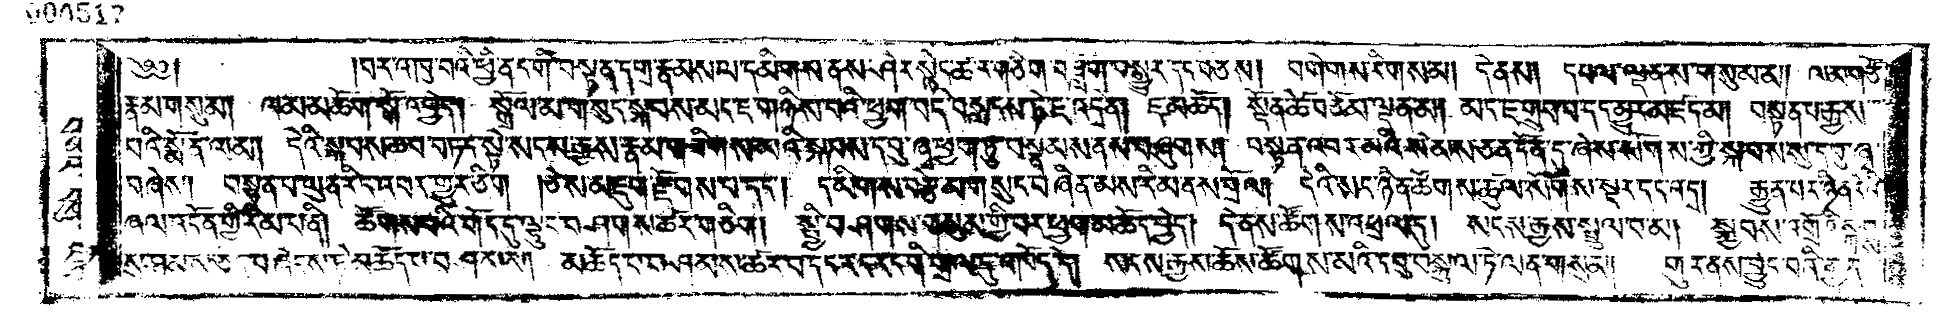༄༅། །བར་འཁུ་བའི་ཕྱི་ནང་གི་བསྟན་དགྲ་རྣམས་ལ་དམིགས་ནས་ཤེར་སྙིང་ཚར་གཅིག་བཟློག་བསྒྱུར་དང་བཅས། བགེགས་རིགས་མ། དེ་ནས། དཔལ་ལྡན་ས་གསུམ་མ། ལམ་གཙོ་
རྣམ་གསུམ། ལམ་མཆོག་སྒོ་འབྱེད། སྒྲོལ་མ་གསུང་སྐབས་མང་ཇ་གཉིས་པའི་ཕྱག་བདེ་བསླངས་ཏེ་ཇ་འདྲེན། ཇ་མཆོད། སྔོན་ཚེ་བཅོམ་ལྡན་མ། མང་ཇ་གྲུབ་པ་དང་མྱུར་མཛད་མ། བསྟན་པ་རྒྱས་
པའི་སྨོན་ལམ། དེའི་སྐབས་ཆབ་བཏང་སྟེ་སངས་རྒྱས་རྣམ་གཟིགས་མའི་སྐབས་དབུ་ཞྭ་ཕྱག་ཏུ་བསྣམས་ནས་བཞུགས། བསྟན་འབར་མའི་སེམས་ཅན་དོན་དུ་ཞེས་སོགས་ཀྱི་སྐབས་སུ་དབུ་ཞྭ་
བཞེས། བསྟན་པ་ཡུན་རིང་འབར་གྱུར་ཅིག །ཅེས་མཇུག་རྫོགས་པ་དང་། དམིགས་བརྩེ་མ་གསུང་བཞིན་མས་རིམ་ནས་གྲོལ། དེའི་སང་ཉིན་ཚོགས་ཚུལ་སོགས་སྔར་དང་འདྲ། རྒྱུན་བར་ཉིན་རེའི་
ཞལ་འདོན་གྱི་རིམ་པ་ནི། ཚོགས་པའི་གོང་དུ་ལྟུང་བཤགས་ཚར་གཅིག །སྤྱི་བཤགས་གསུམ་གྱི་བར་ཕྱག་མཆོད་བྱེད། དེ་ནས་ཚོགས་འཕྲལ་དུ། སངས་རྒྱས་སྤྲུལ་བ་མ། སྐྱབས་འགྲོའི་སྐབས་
སུ་ཐམས་ཅད་བཞེངས་ཏེ་མཆོད་པ་བཤམས། མཆོད་པ་བཤམས་ཚར་བ་དང་རང་རང་གི་གྲལ་དུ་འཁོད་དེ། སངས་རྒྱས་ཆོས་ཚོགས་མའི་དབུ་བསྐུལ་ཏེ་ལན་གསུམ། གུར་ནས་བྱུང་བའི་རྒྱུན་